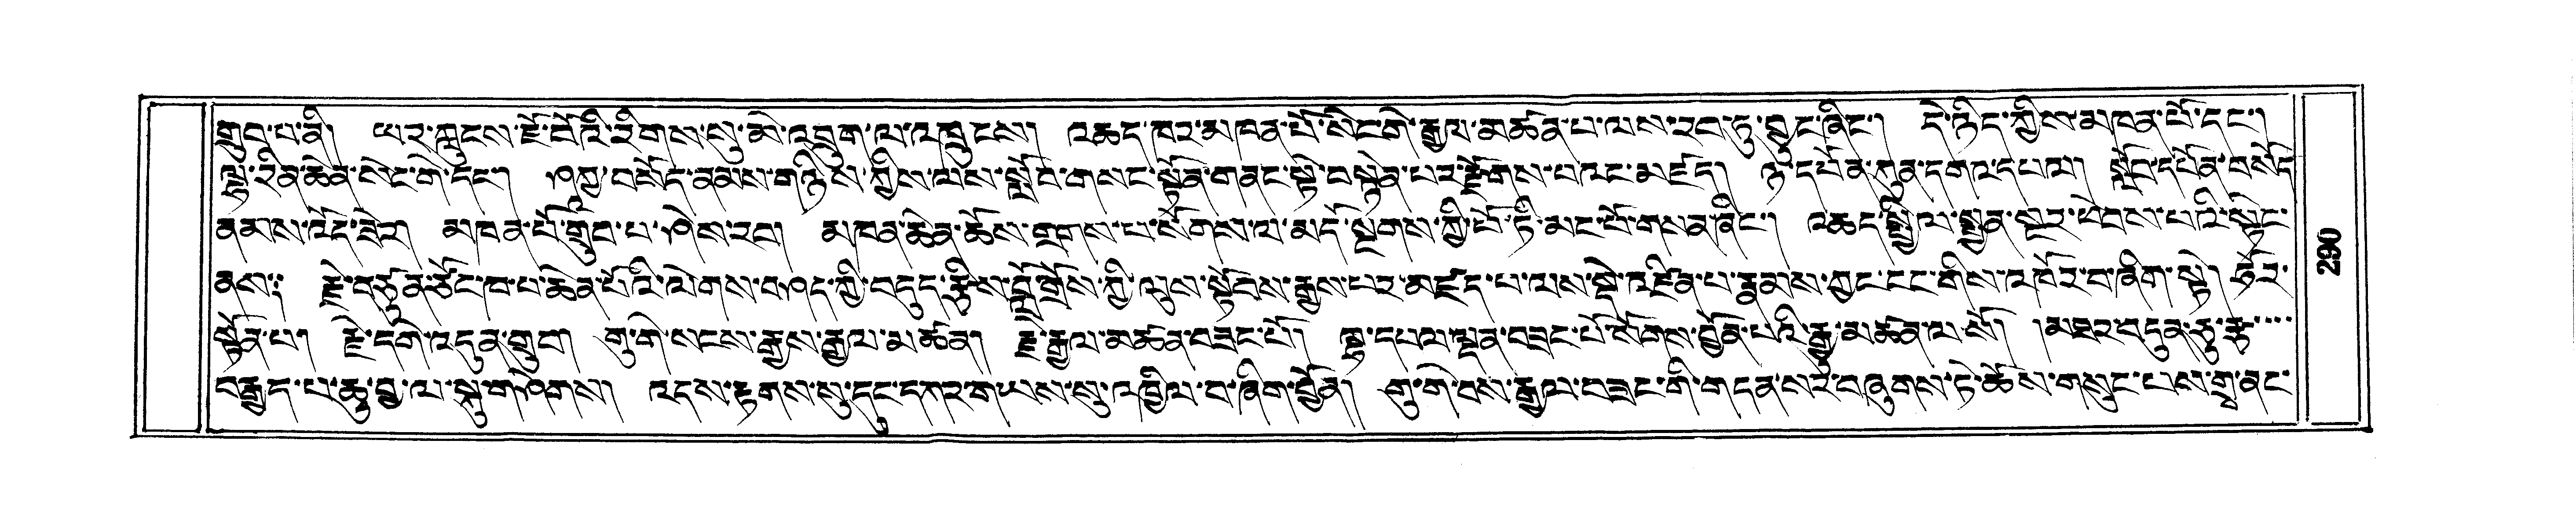གྲུབ་པ་ནི། ཡར་ཀླུངས་ཇོ་བོའི་རིགས་སུ་མེ་འབྲུག་ལ་འཁྲུངས། འཆད་ཁར་མཁན་པོ་སེང་གེ་རྒྱལ་མཚན་པ་ལས་རབ་ཏུ་བྱུང་ཞིང་། དེ་ཉིད་ཀྱིས་མཁན་པོ་དང་།
ལྷ་རིན་ཆེན་སེང་གེ་དང་། ཤཱཀྱ་བསོད་ནམས་གཉིས་ཀྱིས་ལས་སློབ་གསང་སྟོན་གནང་སྟེ་བསྙེན་པར་རྫོགས་པའང་མཛད། ཉ་དཔོན་ཀུན་དགའ་དཔལ། སློབ་དཔོན་བསོད་
ནམས་འོད་ཟེར། མཁན་པོ་གྲུབ་པ་ཤེས་རབ། མཁན་ཆེན་ཆོས་གྲགས་པ་སོགས་ལ་མདོ་སྔགས་ཀྱི་པོ་ཏི་མང་པོ་གསན་ཞིང་། འཆད་སྤྱིལ་སྤྱན་སྔར་ཕེབས་པའི་སྟེང་
ནས༑ རྗེ་བཙུན་ཙོང་ཁ་པ་ཆེན་པོའི་ལེགས་བཤད་ཀྱི་བདུད་རྩིས་བློ་གྲོས་ཀྱི་ལུས་སྟོབས་རྒྱས་པར་མཛད་པ་ལས་སྡེ་འཛིན་པ་རྣམས་ཀྱང་ངང་གིས་འཁོར་བ་ཞིག་སྟེ། ཧོར་
སྟོན་པ། རྗེ་དགེ་འདུན་གྲུབ། གུ་གེ་སངས་རྒྱས་རྒྱལ་མཚན། རྗེ་རྒྱལ་མཚན་བཟང་པོ། ལྷ་དཔལ་ལྡན་བཟང་པོ་སོགས་བྱོན་པའི་རྒྱུ་མཚན་ལ་སོ། །མཐར་བདུན་ཅུ་རྩ་
བརྒྱད་པ་ཆུ་བྱ་ལ་སྐུ་གཤེགས། འདས་རྟགས་སུ་དུང་དཀར་གཡས་སུ་འཁྱིལ་བ་ཞིག་བྱོན། གུ་གེ་བས་རྒྱལ་བཟང་གི་གདན་སར་བཞུགས་ཏེ་ཆོས་གསུང་པས་གྲྭ་ནང་